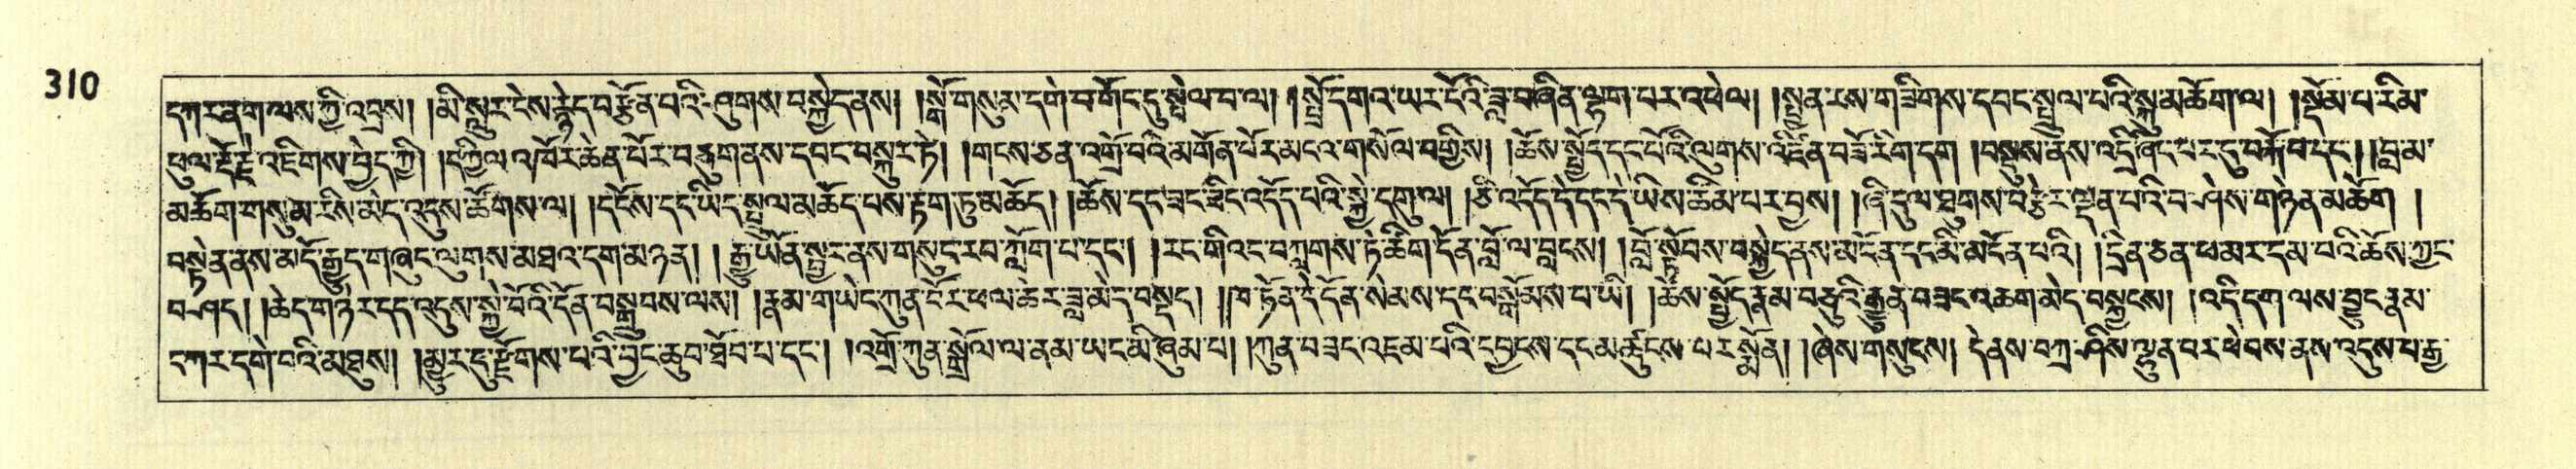དཀར་ནག་ལས་ཀྱི་འབྲས། །མི་སླུར་ངེས་རྙེད་བརྩོན་པའི་ཤུགས་བསྐྱེད་ནས། །སྒོ་གསུམ་དགེ་བ་གོང་དུ་སྤེལ་བ་ལ། །སྤྲོ་དགའ་ཡར་ངོའི་ཟླ་བཞིན་ལྷག་པར་འཕེལ། །སྤྱན་རས་གཟིགས་དབང་སྤྲུལ་པའི་སྐུ་མཆོག་ལ། །སྡོམ་པ་རིམ་
ཕུལ་རྡོ་རྗེ་འཇིགས་བྱེད་ཀྱི། །དཀྱིལ་འཁོར་ཆེན་པོར་བཅུག་ནས་དབང་བསྐུར་ཏེ། །གངས་ཅན་འགྲོ་བའི་མགོན་པོར་མངའ་གསོལ་བགྱིས། །ཆོས་སྤྱོད་དང་པོའི་ལུགས་འཛིན་བཟོ་རིག་དག །བསྡུས་ནས་འདྲི་ཞིང་པར་དུ་བརྐོ་བ་དང་། །བླ་མ་
མཆོག་གསུམ་རིས་མེད་འདུས་ཚོགས་ལ། །དངོས་དང་ཡིད་སྤྲུལ་མཆོད་པས་རྟག་ཏུ་མཆོད། །ཆོས་དང་ཟང་ཟིང་འདོད་པའི་སྐྱེ་དགུ་ལ། །ཅི་འདོད་དེ་དང་དེ་ཡིས་ཚིམ་པར་བྱས། །ཞི་དུལ་ཐུགས་བརྩེར་ལྡན་པའི་བ་ཤེས་གཉེན་མཆོག །
བསྟེན་ནས་མདོ་རྒྱུད་གཞུང་ལུགས་མཐའ་དག་མཉན། །རྒྱུ་ཡོན་སྦྱང་ནས་གསུང་རབ་ཀློག་པ་དང་། །རང་གིའང་བཀླགས་ཏེ་ཚིག་དོན་བློ་ལ་བླངས། །བློ་སྟོབས་བསྐྱེད་ནས་མངོན་དང་མི་མངོན་པའི། །དྲིན་ཅན་ཕ་མར་དམ་པའི་ཆོས་ཀྱང་
བཤད། །ཆེད་གཉེར་དད་འདུས་སྐྱེ་བོའི་དོན་བསྒྲུབས་ལས། །རྣམ་གཡེང་ཀུན་བོར་ཕལ་ཆེར་ཟླ་མེད་བསྡད། །ཁ་ཏོན་དེ་དོན་སེམས་དང་བསྒོམས་པ་ཡི། །ཆོས་སྤྱོད་རྣམ་བཅུའི་རྒྱུན་བཟང་འཆག་མེད་བསྐྱངས། །འདི་དག་ལས་བྱུང་རྣམ་
དཀར་དགེ་བའི་མཐུས། །མྱུར་དུ་རྫོགས་པའི་བྱང་ཆུབ་ཐོབ་པ་དང་། །འགྲོ་ཀུན་སྒྲོལ་ལ་ནམ་ཡང་མི་ཞུམ་པ། །ཀུན་བཟང་འཇམ་པའི་དབྱངས་དང་མཚུངས་པར་སྨོན། །ཞེས་གསུངས། དེ་ནས་བཀྲ་ཤིས་ལྷུན་པར་ཕེབས་ནས་འདུས་པ་རྒྱ་